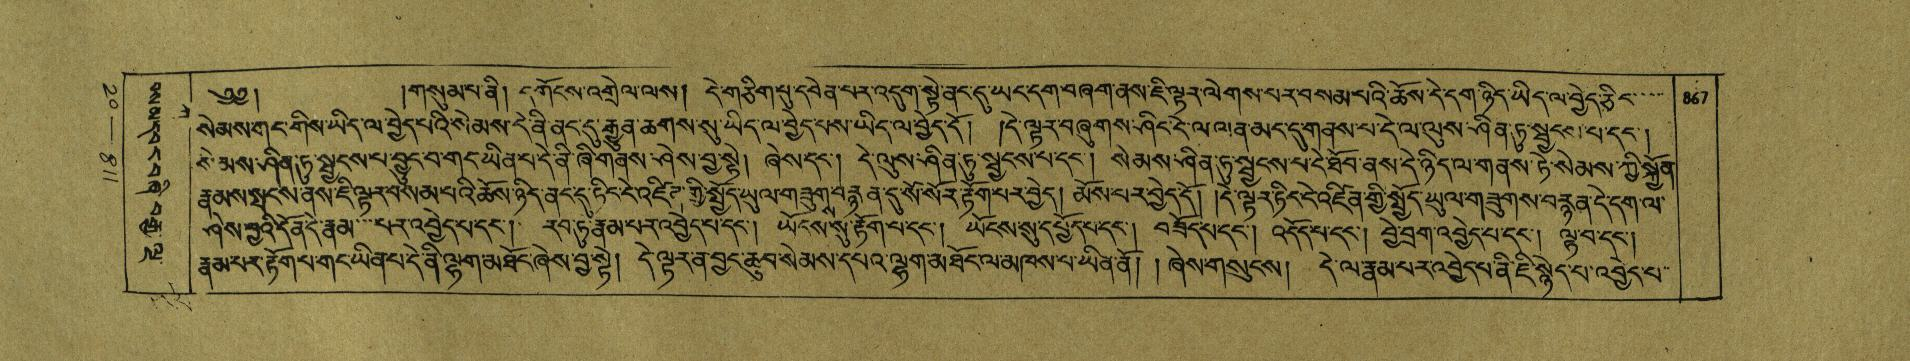༄༅། །གསུམ་པ་ནི། དགོངས་འགྲེལ་ལས། དེ་གཅིག་པུ་དབེན་པར་འདུག་སྟེ་ནང་དུ་ཡང་དག་བཞག་ནས་ཇི་ལྟར་ལེགས་པར་བསམ་པའི་ཆོས་དེ་དག་ཉིད་ཡིད་ལ་བྱེད་ཅིང་
སེམས་གང་གིས་ཡིད་ལ་བྱེད་པའི་སེམས་དེ་ནི་ནང་དུ་རྒྱུན་ཆགས་སུ་ཡིད་ལ་བྱེད་པས་ཡིད་ལ་བྱེད་དོ། །དེ་ལྟར་བཞུགས་ཤིང་དེ་ལ་ལན་མང་དུ་གནས་པ་དེ་ལ་ལུས་ཤིན་ཏུ་སྦྱངས་པ་དང་།
སེམས་ཤིན་ཏུ་སྦྱངས་པ་བྱུང་བ་གང་ཡིན་པ་དེ་ནི་ཞི་གནས་ཤེས་བྱ་སྟེ། ཞེས་དང་། དེ་ལུས་ཤིན་ཏུ་སྦྱངས་པ་དང་། སེམས་ཤིན་ཏུ་སྦྱངས་པ་དེ་ཐོབ་ནས་དེ་ཉིད་ལ་གནས་ཏེ་སེམས་ཀྱི་སྐྱོན་
རྣམས་སྤངས་ནས་ཇི་ལྟར་བསམ་པའི་ཆོས་ཉིད་ནང་དུ་ཏིང་ངེ་འཛིན་གྱི་སྤྱོད་ཡུལ་གཟུགས་བརྙན་དུ་སོ་སོར་རྟོག་པར་བྱེད། མོས་པར་བྱེད་དོ། །དེ་ལྟར་ཏིང་ངེ་འཛིན་གྱི་སྤྱོད་ཡུལ་གཟུགས་བརྙན་དེ་དག་ལ་
ཤེས་བྱའི་དོན་དེ་རྣམ་པར་འབྱེད་པ་དང་། རབ་ཏུ་རྣམ་པར་འབྱེད་པ་དང་། ཡོངས་སུ་རྟོག་པ་དང་། ཡོངས་སུ་དཔྱོད་པ་དང་། བཟོད་པ་དང་། འདོད་པ་དང་། བྱེ་བྲག་འབྱེད་པ་དང་། ལྟ་བ་དང་།
རྣམ་པར་རྟོག་པ་གང་ཡིན་པ་དེ་ནི་ལྷག་མཐོང་ཞེས་བྱ་སྟེ། དེ་ལྟར་ན་བྱང་ཆུབ་སེམས་དཔའ་ལྷག་མཐོང་ལ་མཁས་པ་ཡིན་ནོ། །ཞེས་གསུངས། དེ་ལ་རྣམ་པར་འབྱེད་པ་ནི་ཇི་སྙེད་པ་འབྱེད་པ་